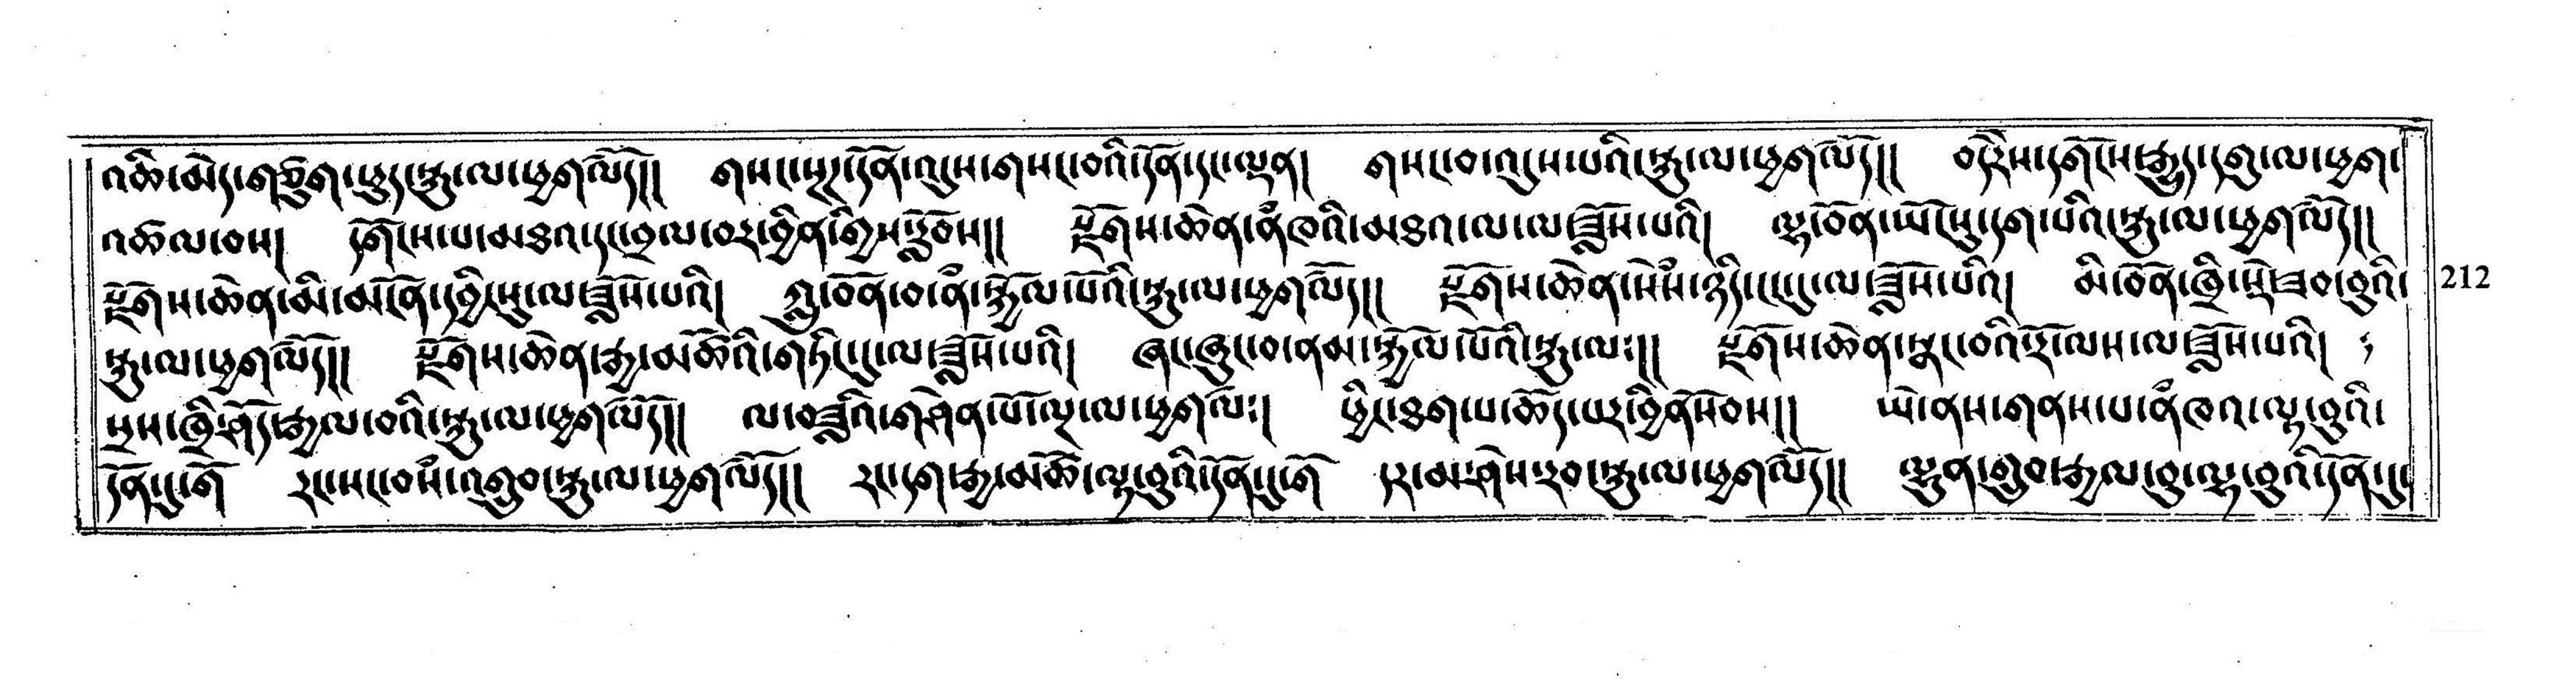འཆི་མེད་གཙུག་ཕུད་སྐུ་ལ་ཕྱག་འཚལ་བསྟོད།། གསང་སྔགས་དོན་འདུས་གསང་བའི་དོན་དང་ལྡན། གསང་བ་འདུས་པའི་སྐུ་ལ་ཕྱག་འཚལ་བསྟོད།། བདེར་གཤེགས་དགོངས་རྒྱུད་དགུ་ལ་ཕྱག་
འཚལ་བས། དགོངས་པ་མཐའ་དང་བྲལ་བར་བྱིན་གྱིས་རློབས།། རྫོགས་ཆེན་ནམ་མཁའི་མཐའ་ལ་ལ་ཟློས་པའི། ལྷ་བོན་ཡོངས་སུ་དག་པའི་སྐུ་ལ་ཕྱག་འཚལ་བསྟོད།། 
རྫོགས་ཆེན་མི་མངོན་དབྱིངས་སུ་ལ་ཟློས་པའི། ཀླུ་བོན་བ་ནམ་སྐྱོལ་པོའི་སྐུ་ལ་ཕྱག་འཚལ་བསྟོད།། རྫོགས་ཆེན་སེམས་ཉིད་ངང་དུ་ལ་ཟློས་པའི། མི་བོན་ཁྲི་སྡེ་ཟབ་བུའི་
སྐུ་ལ་ཕྱག་འཚལ་བསྟོད།། རྫོགས་ཆེན་རྒྱ་མཚོའི་གཏིང་དུ་ལ་ཟློས་པའི། ཞང་ཞུང་བ་ནམ་སྐྱོལ་པོའི་སྐུ་ལ༴།། རྫོགས་ཆེན་སྣང་བའི་རོ་ལས་ལ་ཟློས་པའི། 
སྲས་ཁྲི་ཤོད་རྒྱལ་བའི་སྐུ་ལ་ཕྱག་འཚལ་བསྟོད།། ལ་བཟླའི་གཤེན་པོ་ལྔ་ལ་ཕྱག་འཚལ༴། ཕྱི་ནང་ཐག་པ་ཆོད་པར་བྱིན་རློབས།། ཡེ་ནས་གནས་པ་ནམ་མཁའ་ལྟ་བུའི་
དོན་དུ་གོ རང་སང་བསམ་འགྲུབ་སྐུ་ལ་ཕྱག་འཚལ་བསྟོད།། རང་དག་རྒྱ་མཚོ་ལྟ་བུའི་དོན་དུ་གོ དར་མ་ཤེས་རབ་སྐུ་ལ་ཕྱག་འཚལ་བསྟོད།། ལྷུན་གྲུབ་རྒྱལ་བུ་ལྟ་བུའི་དོན་དུ་